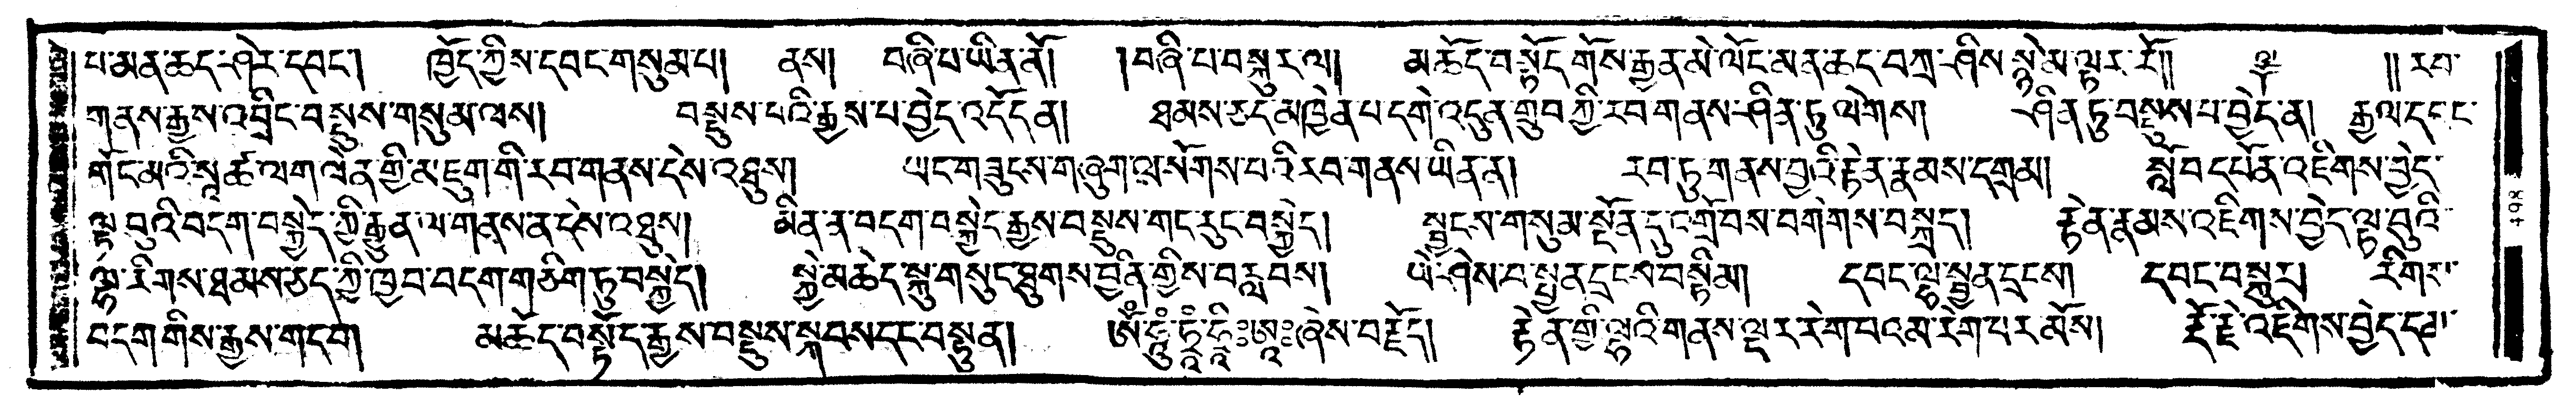པ་མན་ཆད་ཤེར་དབང་། ཁྱོད་ཀྱི་དབང་གསུམ་པ། ནས། བཞི་བ་ཡིན་ནོ། །བཞི་པ་བསྐུར་ལ། མཆོས་བསྟོད་གོས་རྒྱན་མེ་ལོང་མན་ཆད་བཀྲ་ཤིས་སྙེ་མ་ལྟར་རོ།། །།རབ་
གནས་རྒྱས་འབྲིང་བསྡུས་གསུམ་ལས། བསྡུས་པའི་རྒྱས་པ་བྱེད་འདོད་ན། ཐམས་ཅད་མཁྱེན་པ་དགེ་འདུན་གྲུབ་ཀྱི་རབ་གནས་ཤིན་ཏུ་ལེགས། ཤིན་ཏུ་བསྡུས་བ་བྱེད་ན། རྒྱལ་དང་
གོང་མའི་སཱ་ཚ་ལག་ལེན་གྱི་མཇུག་གི་རབ་གནས་དེས་འཐུས། ཡང་གཟུངས་གཞུག་ལ་སོགས་པའི་རབ་གནས་ཡིན་ན། རབ་ཏུ་གནས་བྱའི་རྟེན་རྣམས་དགྲམ། སློབ་དཔོན་འཇིགས་བྱེད་
ལྟ་བུའི་བདག་བསྐྱེད་ཀྱི་རྒྱུན་ལ་གནས་ན་དེས་འཐུས། མིན་ན་བདག་བསྐྱོད་རྒྱས་བསྡུས་གང་རུང་བསྐྱེད། སྦྱངས་གསུམ་སྔོན་དུ་འགྲོ་བས་བགེགས་བསྐྲད། རྟེན་རྣམས་འཇིགས་བྱེད་ལྟ་བུའི་
ལྷ་རིགས་ཐམས་ཅད་ཀྱི་ཁྱབ་བདག་གཅིག་ཏུ་བསྐྱེད། སྐྱེ་མཆེད་སྐུ་གསུང་ཐུགས་བྱིན་གྱིས་བརླབས། ཡེ་ཤེས་བ་སྦྱན་དྲང་བསྟིམ། དབང་ལྷ་སྦྱན་དྲངས། དབང་བསྐུར། རིགས་
བདག་གིས་རྒྱས་གང་བ། མཆོད་བསྟོད་རྒྱས་བསྡུས་སྐབས་བསྟུན། ཨོཾ་ཧཱུཾ་ཧཱུཾ་ཧཱུཾཿ ཨཱཿ ཞེས་བརྗོད། རྟེན་ཀྱི་ལྷའི་གནས་ལྔར་རེག་པའམ་རིག་པར་མོས། རྡོ་རྗེ་འཇིགས་བྱེད་དམ་